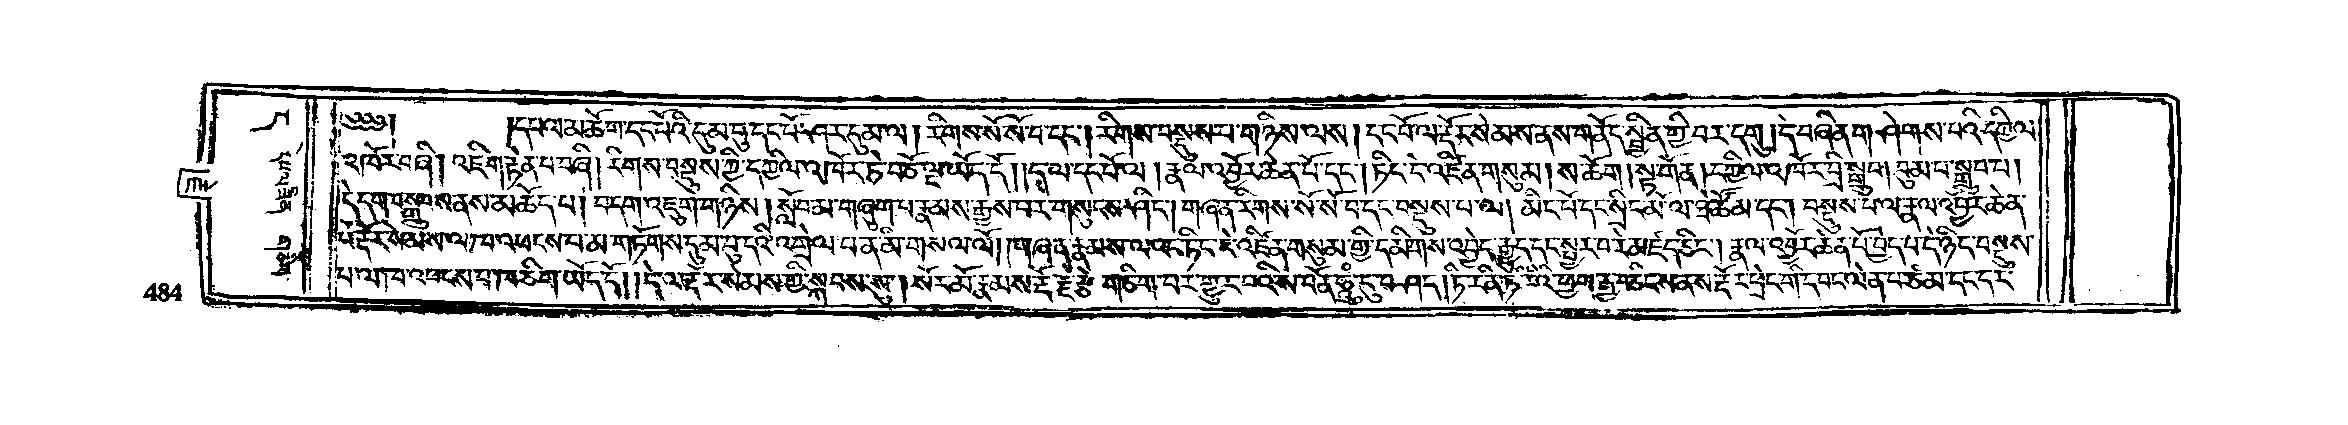༄༅༅། །དཔལ་མཆོག་དང་པོའི་དུམ་བུ་དང་པོ་ཤར་དུམ་ལ། རིགས་སོ་སོ་བ་དང་། རིགས་བསྡུས་པ་གཉིས་ལས། དང་པོ་ལ་རྡོར་སེམས་ནས་གནོད་སྦྱིན་གྱི་བར་དགུ །དེ་བཞིན་གཤེགས་པའི་དཀྱིལ་
འཁོར་བཞི། འཇིག་རྟེན་པ་བཞི། རིགས་བསྡུས་ཀྱི་དཀྱིལ་འཁོར་ཏེ་བཅོ་ལྔ་ཡོད་དོ། །དེ་ལ་དང་པོ་ལ། རྣལ་འབྱོར་ཆེན་པོ་དང་། ཏིང་ངེ་འཛིན་གསུམ། ས་ཆོག །སྟ་གོན། དཀྱིལ་འཁོར་བྲི་སྒྲུབ། བུམ་པ་སྒྲུབ་པ།
དེ་དག་བསྒྲུབས་ནས་མཆོད་པ། བདག་འཇུག་གཉིས། སློབ་མ་གཞུག་པ་རྣམས་རྒྱས་པར་གསུངས་ཤིང་། གཞན་རིགས་སོ་སོ་བ་དང་བསྡུས་པ་ལ། མིང་པོ་དང་སྲིང་མོ་ལ་ཐེ་ཚོམ་དང་། བསྡུས་པ་ལ་རྣལ་འབྱོར་ཆེན་
པོ་རྡོར་སེམས་ལ་ཁ་འཕངས་པ་མ་གཏོགས་དུམ་བུ་དེའི་འགྲེལ་པ་ན་མི་གསལ་ལོ། །གཞན་རྣམས་ལའང་ཏིང་ངེ་འཛིན་གསུམ་གྱི་དམིགས་འབྱེད་རྒྱུད་དང་སྦྱར་བ་རེ་མཛད་ཅིང་། རྣལ་འབྱོར་ཆེན་པོ་བྱེད་པ་དེ་ཉིད་བསྡུས་
པ་ལ་ཁ་འཕངས་པ་ཁ་ཅིག་ཡོད་དོ། །དེ་ལ་རྡོར་སེམས་ཀྱི་སྐབས་སུ། སོར་མོ་རྣམས་རྡོ་རྗེ་རྩེ་གཅིག་པར་གྱུར་པའི་ས་བོན་ཧཱུཾ་དུ་བཤད། ཏི་རིན་ཏི་རིའི་ཕྱག་རྒྱ་བཅིངས་ནས་རྡོར་ཕྲེང་གི་དབང་ལེན་པ་ཙམ་དང་དར་